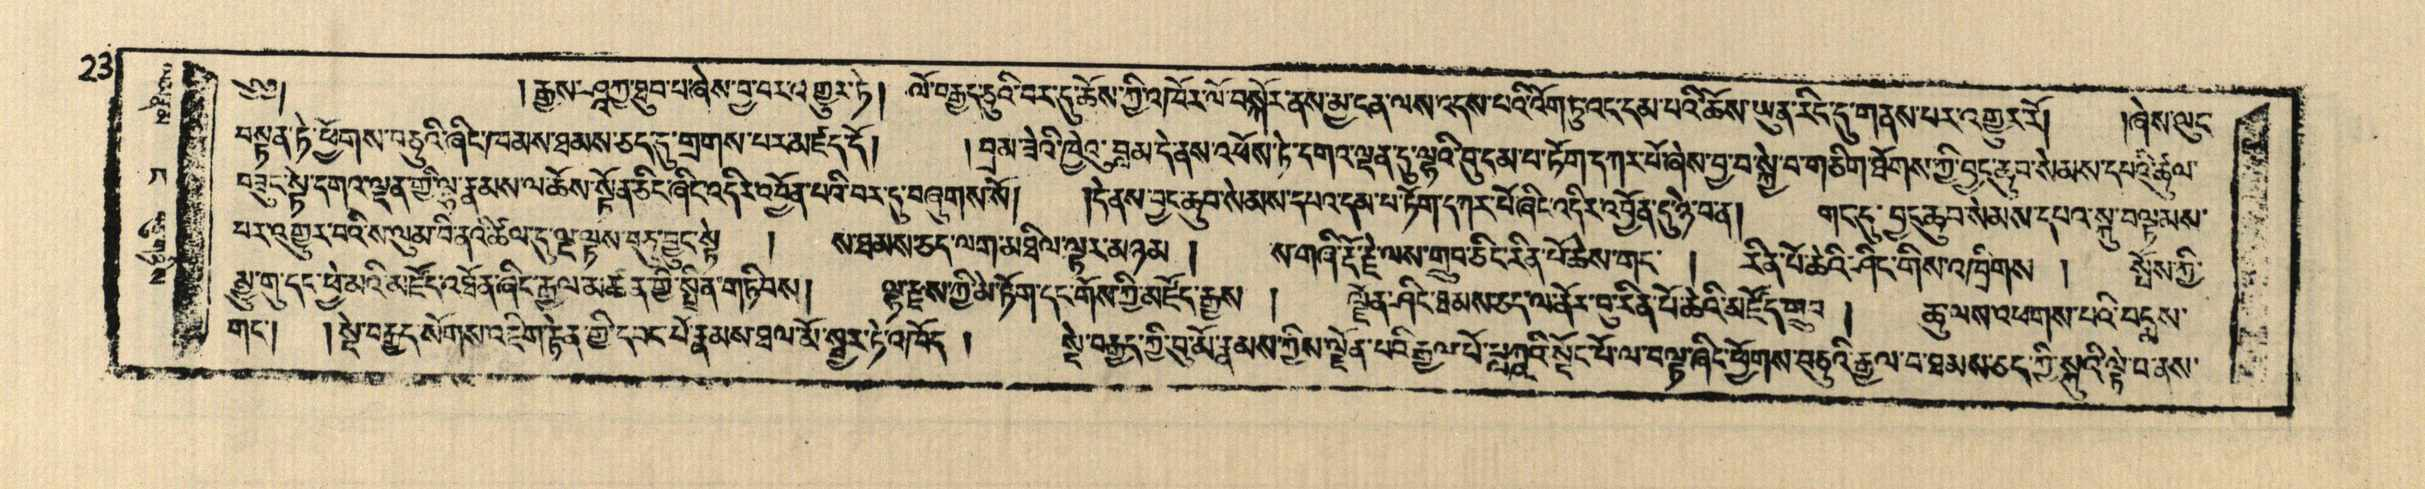༄༅། །རྒྱས་ཤཱཀྱ་ཐུབ་པ་ཞེས་བྱ་བར་འགྱུར་ཏེ། ལོ་བརྒྱད་ཅུའི་བར་དུ་ཆོས་ཀྱི་འཁོར་ལོ་བསྐོར་ནས་མྱ་ངན་ལས་འདས་པའི་འོག་ཏུ་འང་དམ་པའི་ཆོས་ཡུན་རིང་དུ་གནས་པར་འགྱུར་རོ། །ཞེས་ལུང་
བསྟན་ཏེ་ཕྱོགས་བཅུའི་ཞིང་ཁམས་ཐམས་ཅད་དུ་གྲགས་པར་མཛད་དོ། །བྲམ་ཟེའི་ཁྱེའུ་བླ་མ་དེ་ནས་འཕོས་ཏེ་དགའ་ལྡན་དུ་ལྷའི་བུ་དམ་པ་ཏོག་དཀར་པོ་ཞེས་བྱ་བ་སྐྱེ་བ་གཅིག་ཐོགས་ཀྱི་བྱང་ཆུབ་སེམས་དཔའི་ཚུལ་
བཟུང་སྟེ་དགའ་ལྡན་གྱི་ལྷ་རྣམས་ལ་ཆོས་སྟོན་ཅིང་ཞིང་འདིར་འབྱོན་པའི་བར་དུ་བཞུགས་སོ། །དེ་ནས་བྱང་ཆུབ་སེམས་དཔའ་དམ་པ་ཏོག་དཀར་པོ་ཞིང་འདིར་འབྱོན་དུ་ཉེ་བ་ན། གང་དུ་བྱང་ཆུབ་སེམས་དཔའ་སྐུ་བལྟམས་
པར་འགྱུར་བའི་ས་ལུམ་བི་ནའི་ཚལ་དུ་ལྔ་ལྟས་བཅུ་བྱུང་སྟེ་། ས་ཐམས་ཅད་ལག་མཐིལ་ལྟར་མཉམ། ས་གཞི་རྡོ་རྗེ་ལས་གྲུབ་ཅིང་རིན་པོ་ཆེས་གང་། རིན་པོ་ཆེའི་ཤིང་གིས་འཁྲིགས་། སྤོས་ཀྱི་
མྱུ་གུ་དང་ཕྱེ་མའི་མཛོད་འཐོན་ཞིང་རྒྱལ་མཚན་གྱི་སྤྲིན་གཏིབས། ལྷ་རྫས་ཀྱི་མེ་ཏོག་དང་གོས་ཀྱི་མཛོད་རྒྱས། ལྗོན་ཤིང་ཐམས་ཅད་ལ་ནོར་བུ་རིན་པོ་ཆེའི་མཛོད་གྲུབ་། ཆུ་ལས་འཕགས་པའི་པདམས་
གང་། །སྡེ་བརྒྱད་སོགས་འཇིག་རྟེན་གྱི་དབང་པོ་རྣམས་ཐལ་མོ་སྦྱར་ཏེ་འཁོད་། སྡེ་བརྒྱད་ཀྱི་བུ་མོ་རྣམས་ཀྱིས་ལྗོན་པའི་རྒྱལ་པོ་པླཀྵཱི་སྡོང་པོ་ལ་བལྟ་ཞིང་ཕྱོགས་བཅུའི་རྒྱལ་བ་ཐམས་ཅད་ཀྱི་སྐུའི་ལྟེ་པ་ནས་